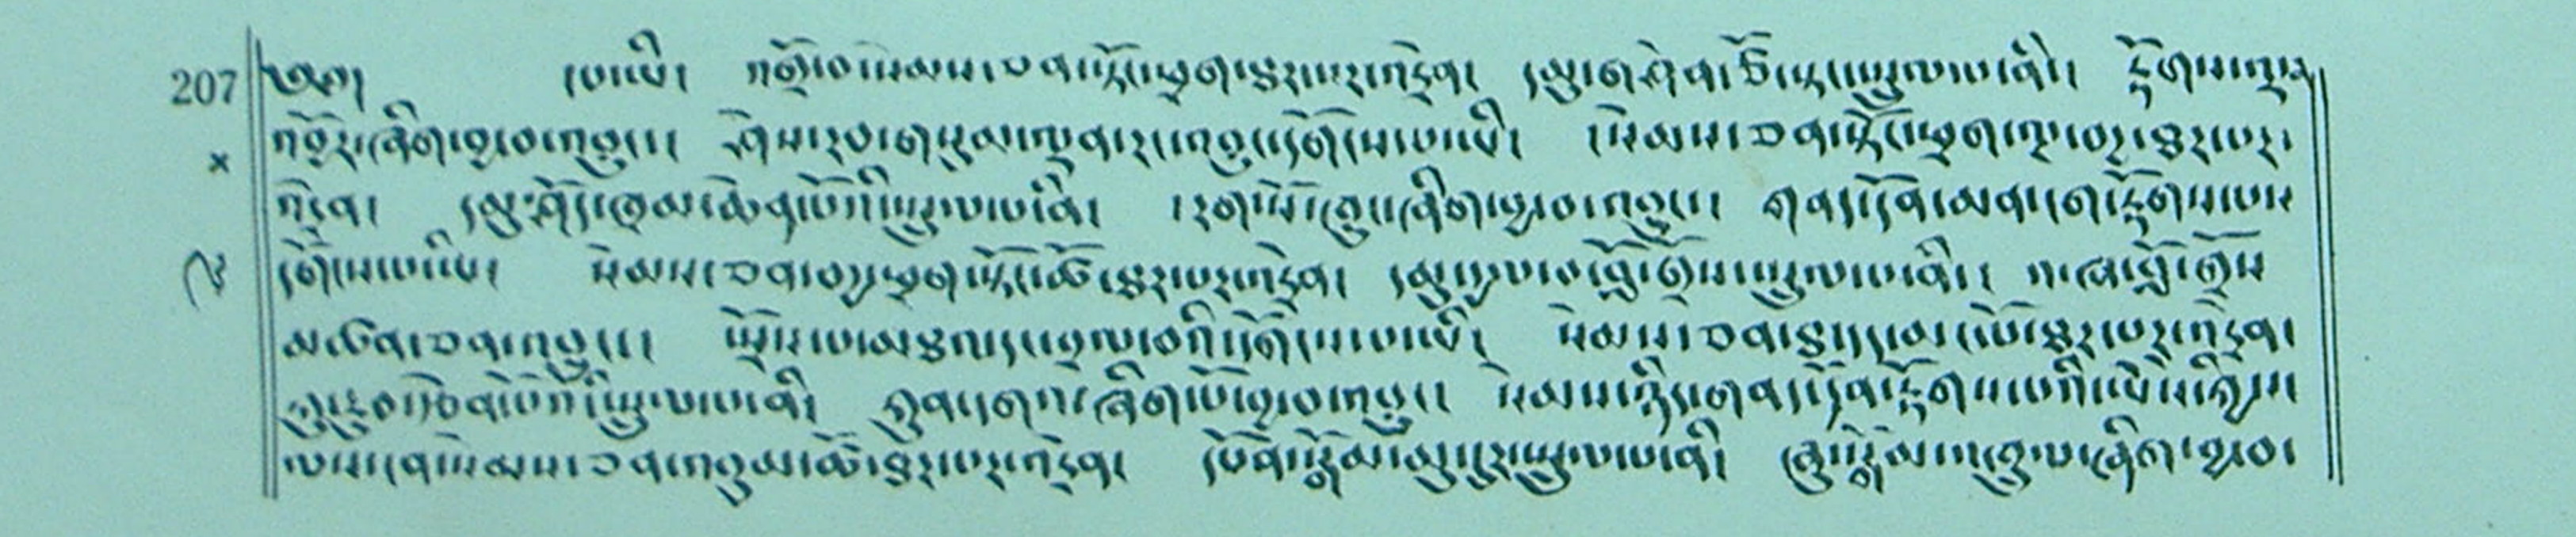༄༅། །པ་ཡིས། འགྲོ་བ་སེམས་ཅན་སྟོང་ཕྲག་ཐར་པར་འདྲེན། དམུ་གཤེན་ཙོ་ཏང་སྤྲུལ་པ་ནི། རྟོགས་ལྡན་
འབྱོར་ཞིག་བྱ་བ་འབྱུང་། ཤེས་རབ་གསུམ་ལྡན་རང་འབྱུང་དགོངས་པ་ཡི། སེམས་ཅན་སྟོང་ཕྲག་ལྔ་བརྒྱ་ཐར་བར་
འདྲེན། དམུ་གཤེན་ཤོད་ཁྲམ་ཆེན་པོའི་སྤྲུལ་པ་ནི། རག་པོ་ཁྱུང་ཞིག་བྱ་བ་འབྱུང་། གནད་དོན་མན་ངག་རྟོགས་པས་
དགོངས་པ་ཡིས། སེམས་ཅན་བརྒྱ་ཕྲག་སྟོང་ཚོ་ཐར་བར་འདྲེན། དམུ་རྒྱལ་བློ་གྲོས་སྤྲུལ་པ་ནི། ཨ་ཞ་བློ་གྲོས་
མཚན་ཅན་འབྱུང་། སྤྲོས་པ་མཐའ་དང་བྲལ་བའི་དགོངས་པ་ཡིས། སེམས་ཅན་ཐ་དད་མང་པོ་ཐར་བར་འདྲེན། 
ཀུ་རུབ་རྩེན་པོའི་སྤྲུལ་པ་ནི། ཀུན་དགའ་ཞིག་པོ་བྱ་བ་འབྱུང་། སེམས་ཉིད་གནད་དོན་རྟོགས་པའི་ཡེ་ཤེས་ཀྱིས།
 ལས་ངན་སེམས་ཅན་འབུམ་ཚོ་ཐར་པར་འདྲེན། དཔོན་སྒོམ་མུ་དུར་སྤྲུལ་པ་ནི། ཞུ་སྒོམ་འཁྲུལ་ཞིག་བྱ་བ་